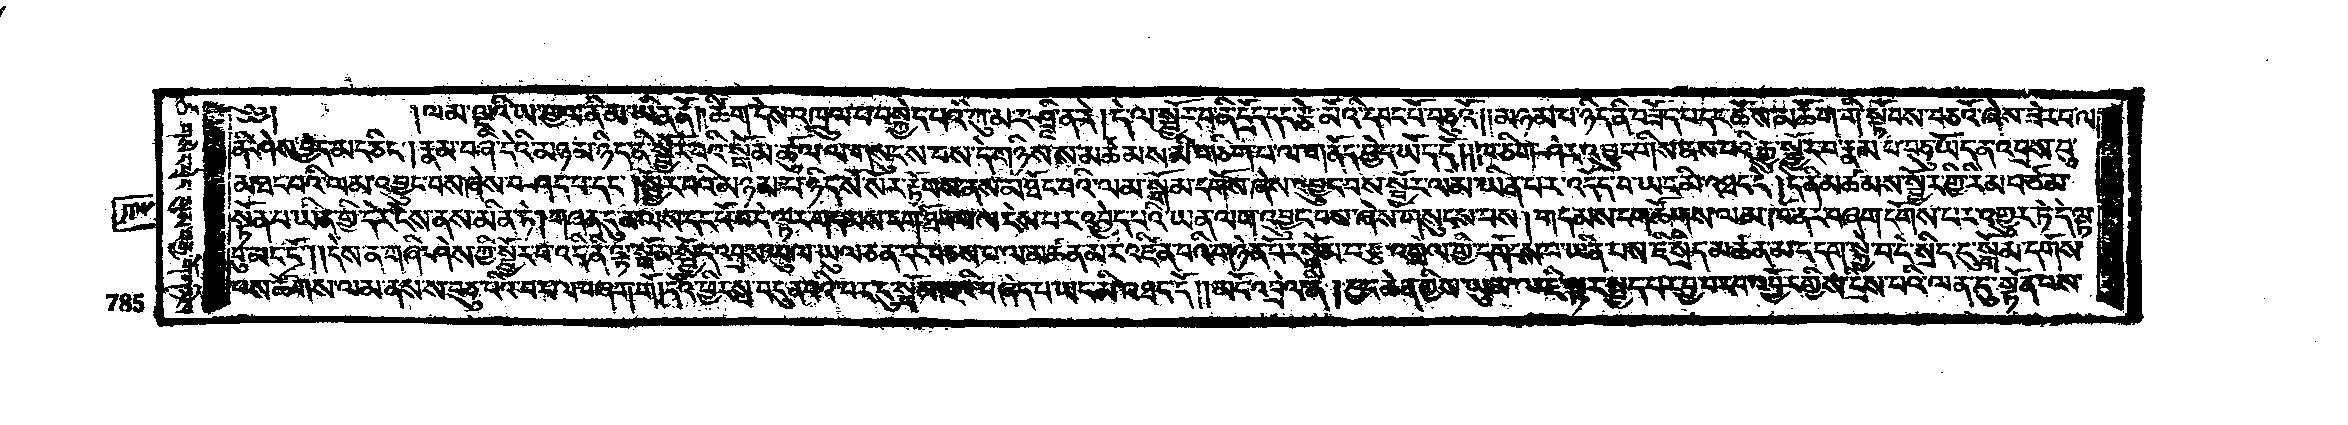༄༅། །ལམ་ལྔའི་ཡ་གྱལ་ནི་མ་ཡིན་ནོ། །ཚིག་དེས་འཁྲུལ་བ་བསྐྱེད་པའི་ཀུ་མ་ར་ཤྲཱི་ན་རེ། དེ་ལ་སྦྱོར་བ་ནི་དྲོད་དང་རྩེ་མོའི་དབང་པོ་བཅུའོ། །མཉམ་པ་ཉིད་ནི་བཟོད་པ་དང་ཆོས་མཆོག་གི་སྟོབས་བཅའོ་ཞེས་ཟེར་བ་ལ་
ནི་ཤེས་བྱེད་མེད་ཅིང་། རྣམ་བཞི་དེའི་མཉམ་ཉིད་ནི་སྦྱོར་བའི་སྒོམ་ཚུལ་ལ་གསུངས་བས་དེ་གཉིས་ས་མཚམས་མི་གཅིག་པ་ལ་གནོད་བྱེད་ཡོད་དོ། །ཁ་ཅིག་ཤེར་འབྱུང་གིས་ནས་པའི་རྒྱུ་སྦྱོར་བ་རྣམ་པ་བཅུ་ཡོད་ན་འབྲས་བུ་
མཐོང་བའི་ལམ་འབྱུང་བས་ཞེས་བཤད་པ་དང་། སྦྱོར་བའི་མཉམ་པ་ཉིད་སོ་སོར་རྟོགས་ནས་མཐོང་བའི་ལམ་སྒོམ་དགོས་ཞེས་འབྱུང་བས་སྦྱོར་ལམ་ཡིན་པར་འདོད་པ་ཡང་མི་འཐད་དེ། དེ་ནི་མཚམས་སྦྱོར་གྱི་རིམ་པ་ཙམ་
སྟོན་པ་ཡིན་གྱི་དེར་ངེས་ནས་མིན་ཏེ། གཞན་དུ་ན་ལས་དང་པོ་བ་དེ་ལྟར་གདམས་ངག་ཐོབ་པ་ལ་ངེས་པར་འབྱེད་པའི་ཡན་ལག་འབྱུང་བས་ཞེས་གསུངས་པས། གདམས་ངག་ཚོགས་ལམ་ཁོ་ནར་བཞག་དགོས་པར་འགྱུར་ཏེ་དེ་ལྟ་
བུ་མང་ངོ། །དེས་ན་གཞི་ཤེས་ཀྱི་སྦྱོར་བ་འདི་ནི་ལྟ་སྒོམ་སྤྱོད་འབྲས་ཡུལ་ཡུལ་ཅན་དང་བཅས་པ་ལ་མཚན་མར་འཛིན་པའི་གཉེན་པོར་སྒོམ་པ་རྩ་འགྲེལ་གྱི་དགོངས་པ་ཡིན་པས་ཇི་སྲིད་མཚན་མ་དེ་དག་སྐྱེ་བ་དེ་སྲིད་དུ་སྒོམ་དགོས་
པས་ཚོགས་ལམ་ནས་ས་བཅུ་པའི་བར་ལ་བཞག་གོ །དེའི་ཕྱིར་ས་བདུན་པའི་བར་དུ་སྒོམ་པའི་བཞེད་པ་ཡང་མི་འཐད་དོ། །མདོ་འབྲེལ་ནི། བྱང་ཆེན་གྱིས་ཡུམ་ལ་ཇི་ལྟར་སྤྱད་པར་བྱ་བ་རབ་འབྱོར་གྱིས་དྲིས་པའི་ལན་དུ་སྟོན་པས་